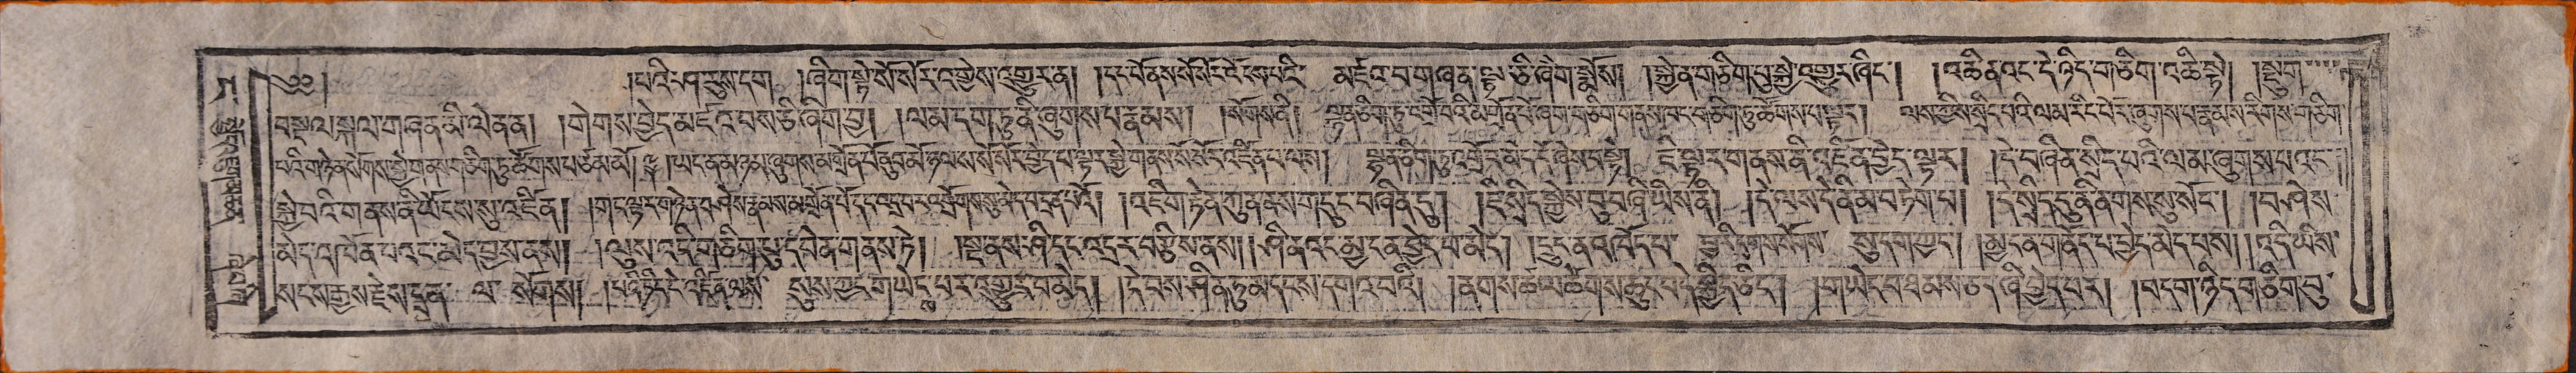༄༅། །པའི་ཤ་རུས་དག །ཞིག་སྟེ་སོ་སོར་འགྱེས་འགྱུར་ན། །དང་པོ་ནས་སོ་སོར་འོངས་པའི་མཛའ་བ་གཞན་ལྷ་ཅི་ཞིག་སེམས། །སྐྱེ་ན་གཅིག་པུ་སྐྱེ་འགྱུར་ཞིང་། །འཆི་ནའང་དེ་ཉིད་གཅིག་འཆི་སྟེ། །སྡུག་
བསྔལ་སྐལ་གཞན་མི་ལེན་ན། །གེགས་བྱེད་མཛའ་བས་ཅི་ཞིག་བྱ། །ལམ་དག་ཏུ་ནི་ཞུགས་པ་རྣམས་།སོགས་ནི། ལྷན་ཅིག་ཏུ་འགྲོ་བའི་མགྲོན་པོ་ཞག་གཅིག་གནས་ཁང་གཅིག་ཏུ་ཚོགས་པ་ལར་ལས་ཀྱི་སྲིད་པའི་ལམ་རིང་པོར་ཞུག་པ་རྣམས་རིགས་གཅིག་
པའི་གཉེན་སོགས་སྐྱེ་གནས་གཅིག་ཏུ་ཚོགས་པ་ཙམ་མོ། ༈ །ཡང་ན་མཉམ་ཞུགས་ས་མགྲོན་པོ་ནུབ་མོ་ཉལ་ས་སོ་སོར་བྱེད་པ་ལྟར་སྐྱེ་གནས་སོ་སོར་འཛིན་པ་ལས། ལྷན་ཅིག་ཏུ་འགྲོ་ལ་མེད་དོ་ཞེས་པ་སྟེ། ཇི་ལྟར་གནས་ནི་འཛིན་བྱེད་ལྟར། །དེ་བཞིན་སྲིད་པའི་ལམ་ཞུགས་པའང་། །
སྐྱེ་བའི་གནས་ནི་ཡོངས་སུ་འཛིན། །གང་ལྟར་གཉེན་པ་ཤེས་རྣམས་མགྲོན་པོ་དང་འདྲ་པར་འགྲོགས་སུ་མེད་པ་དྲན་པའོ།  །འཇིག་རྟེན་ཀུན་ནས་གདུང་བཞིན་དུ། །ཇི་སྲིད་སྐྱེས་བུ་བཞི་ཡིས་ནི། །དེ་ལས་དེ་ནི་མ་བཏེག་པ། །དེ་སྲིད་དུ་ནི་ནགས་སུ་སོང་། །བཤེས་
མེད་འཁོན་པའང་མེད་བྱས་ནས། །ལུས་འདི་གཅིག་པུ་དབེན་གནས་ཏེ། །སྔ་ནས་ཤི་དང་འདྲར་བརྩིས་ནས། །ཤི་ནའང་མྱ་ངན་བྱེད་པ་མེད། །དྲུང་ན་འཁྲོད་པ་བྱའི་བདག་དྭགས་སོགས་སུ་དག་ཀྱང་། །མྱ་ངན་གནོད་པ་བྱེད་མེད་པ། །འདི་ཡིས་
སངས་རྒྱས་ཛེས་དྲན་ལ་སོགས། །པའི་ཏིང་ངེ་འཛིན་ལས་སུས་ཀྱང་གཡེངས་པར་འགྱུར་བ་མེད། །དེ་བས་ཤིན་ཏུ་མདངས་དགའ་བའི། །ནགས་ཚལ་ཚོགས་ཆུང་བདེ་སྐྱེད་ཅིང་། །གཡེང་བ་ཐམས་ཅད་ཞི་བྱེད་པར། །བདག་ཉིད་གཅིག་པུ་